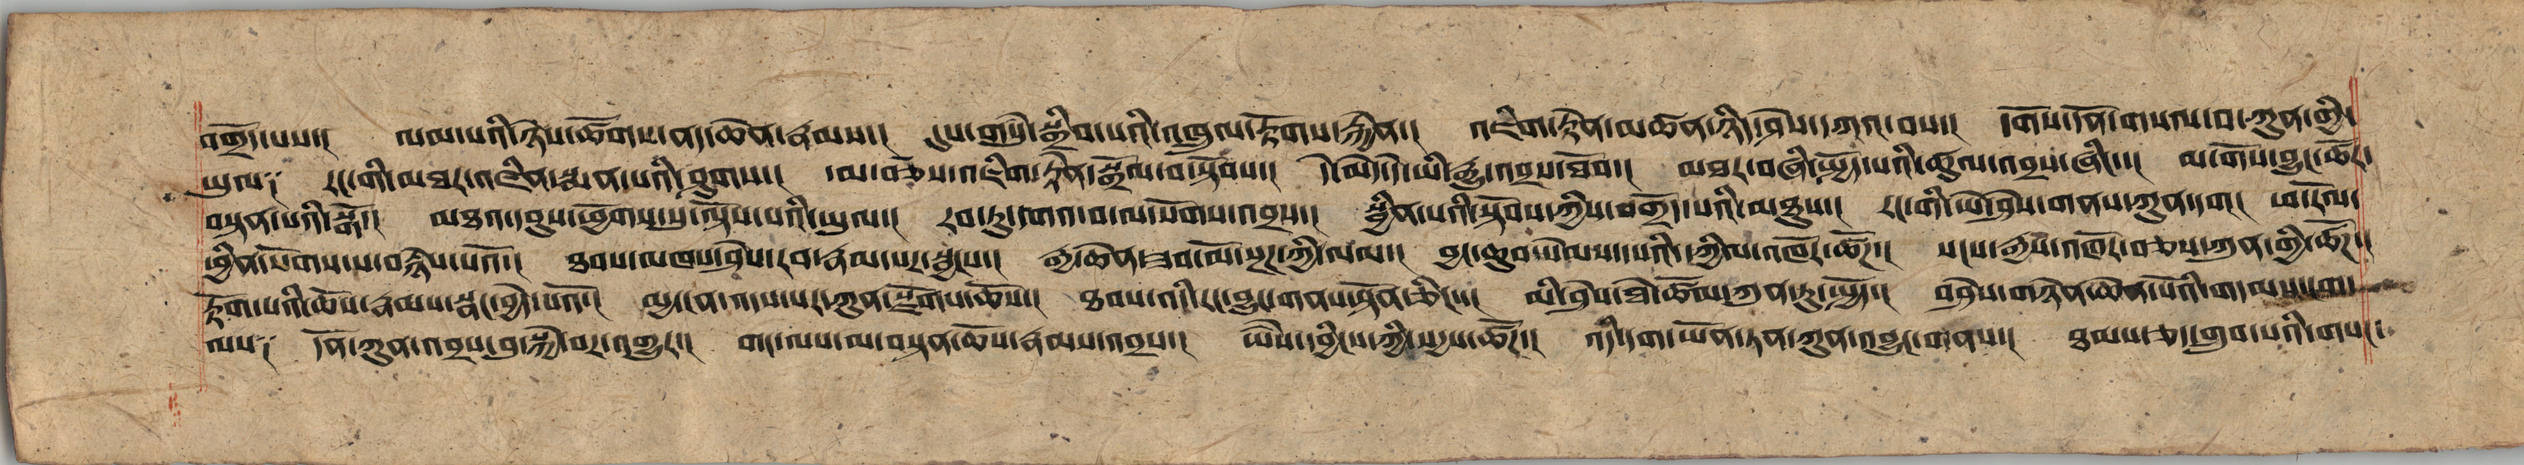བགྲོད་པས་། ལམ་པའི་ཉེས་ཚོགས་ནད་ཆེན་རྣམས་། དུས་གསུཾ་སྒྲིབ་པའི་འཁྲུལ་རྟོགས་རྐྱེན་། འཇིག་རྟེན་མཚན་ཉིད་ཤེས་དཀའ་བས་། དགོས་དོན་གསལ་བ་ཀུན་གྱི་
ཡུལ༑ རང་གི་མཐར་འཛིན་སྨན་པའི་ཤུགས་། ་མ་བཅོས་འཇིག་རྟེན་སྒྲོལ་བ་སྟོབས་། དེ་མེད་དེ་ཡི་རྒྱུ་འབྲས་ཐོབ་། མཐར་བཞི་སྤྱོད་པའི་ཚུལ་འབྲས་ཞིང་། མ་གོས་བྱུང་ཚོར་
བསྟན་པའི་སྒོ་། མཐའ་དབུས་ཕྱོགས་སུ་ལྟོས་པའི་ཡུལ་། རབ་ཏུ་དགའ་བ་ལ་སོགས་འབྲས་། སྦྱིན་པའི་སྟོབས་ཀྱིས་བགྲོད་པའི་མཐུས་། རང་གི་ཡེ་ཤེས་གནས་ཀུན་དག། ཕ་རོལ་
ཕྱིན་སོགས་པ་བརྙེས་པའོ་། ཐབས་མཁས་ཤེས་རབ་རྣམ་པར་སྦྱངས་། རྒྱ་ཆེན་ཟབ་མོ་སྔཌ་ཀྱི་ལམ་། བྱང་ཆུབ་སེམས་དཔའི་དཀྱིལ་འཁོར་ཚོཌ་། སངས་རྒྱས་འཁོར་བཅས་ཀུན་གྱི་ཚོཌ་།
རྟོག་པའི་ཆོས་རྣམས་སྣང་བྱེད་པའོ་། མྱ་ངན་འདས་པར་ཀུན་སྫོགས་ཆོས་། ཐབས་འདི་རང་བྱུང་གནས་སྟོན་ཅིང་། མི་ཤེས་ཐེ་ཚོམ་ཀུན་ཏུ་སྤྱོད་། བཤེས་གཉེན་ཆེན་པོའི་གདམས་ངག་
ལས༑ དོན་ཀུན་འབྲས་བུ་སྐྱེ་བར་འགྱུར་། གང་ལས་མ་བསྟན་ཆོས་རྣམས་འབྲས་། ཡཻས་དབྱིངས་ཀྱི་སདྱས་ཚོཌ་། འདི་དག་ཡོན་ཏན་ཀུན་འབྱུང་གནས་། ཐམས་ཅད་གྲུབ་པའི་གསང་